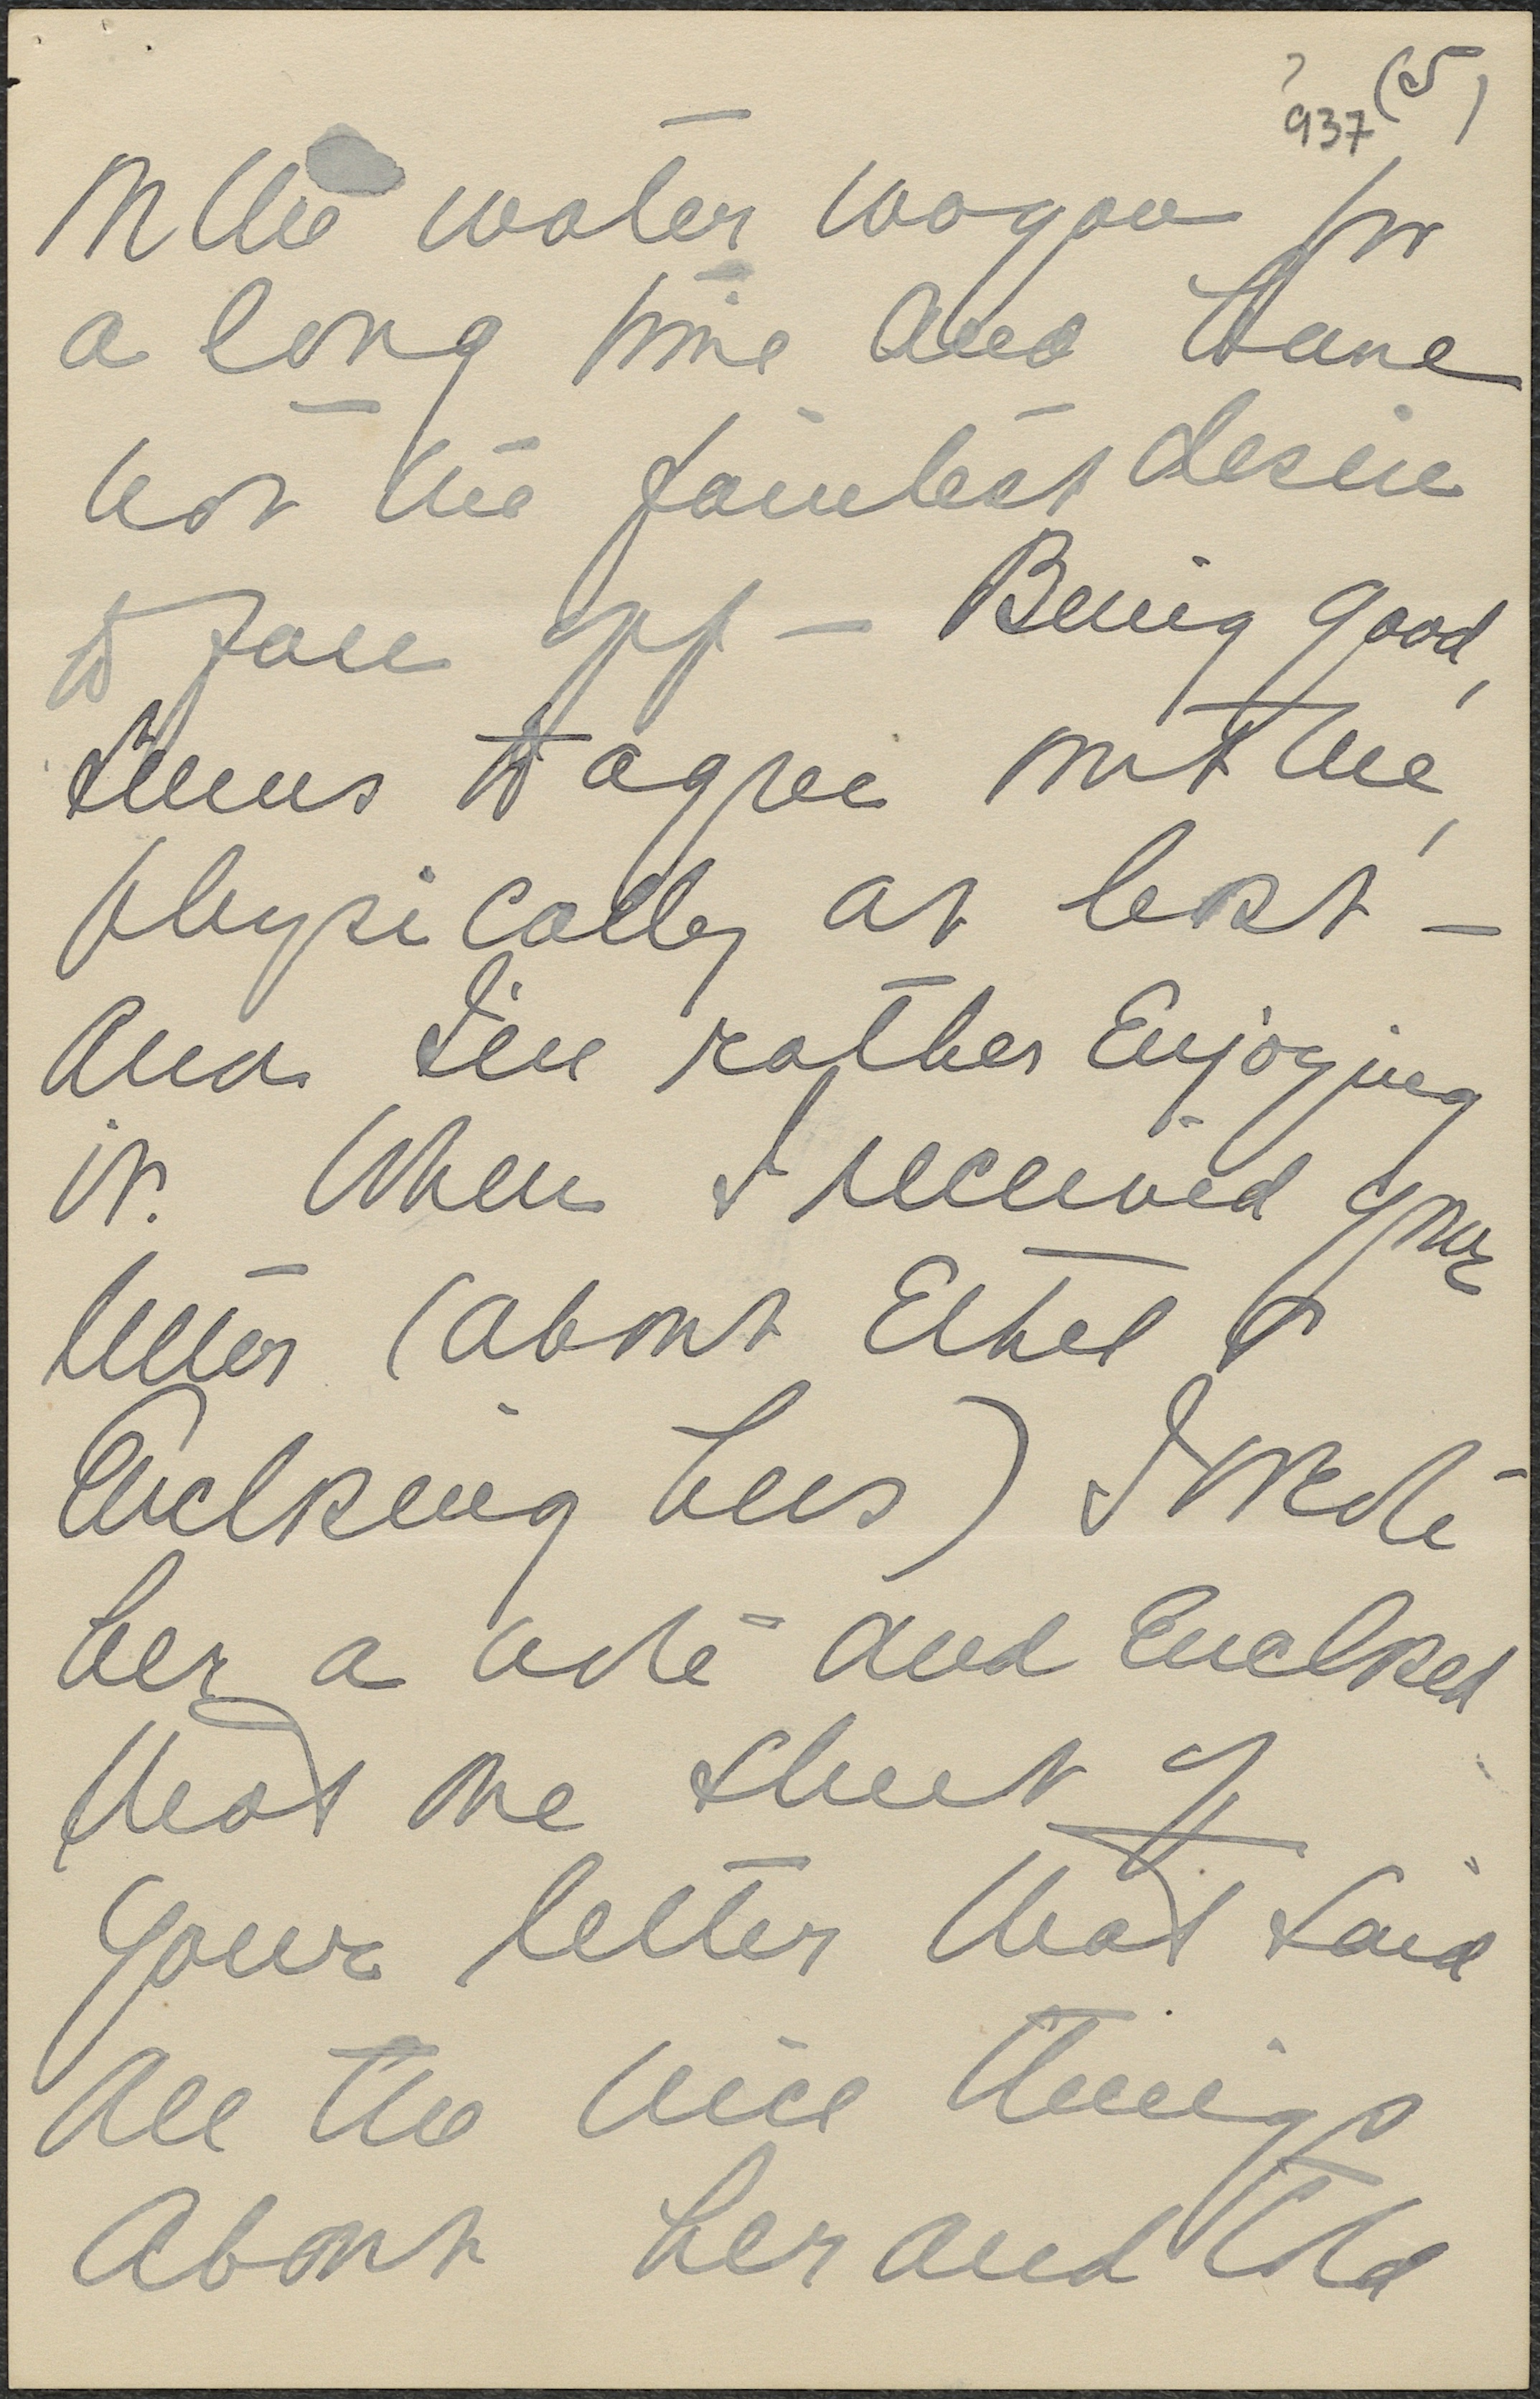(5)
on the water wagon for a long time and have not the faintest desire to fall off – Being good, seems to agree with me, physically at least – and I’m rather enjoying it. When I received your letter (about Ethel & enclosing hers) I wrote her a note and enclosed that one sheet of your letter that said all the nice things about her and told